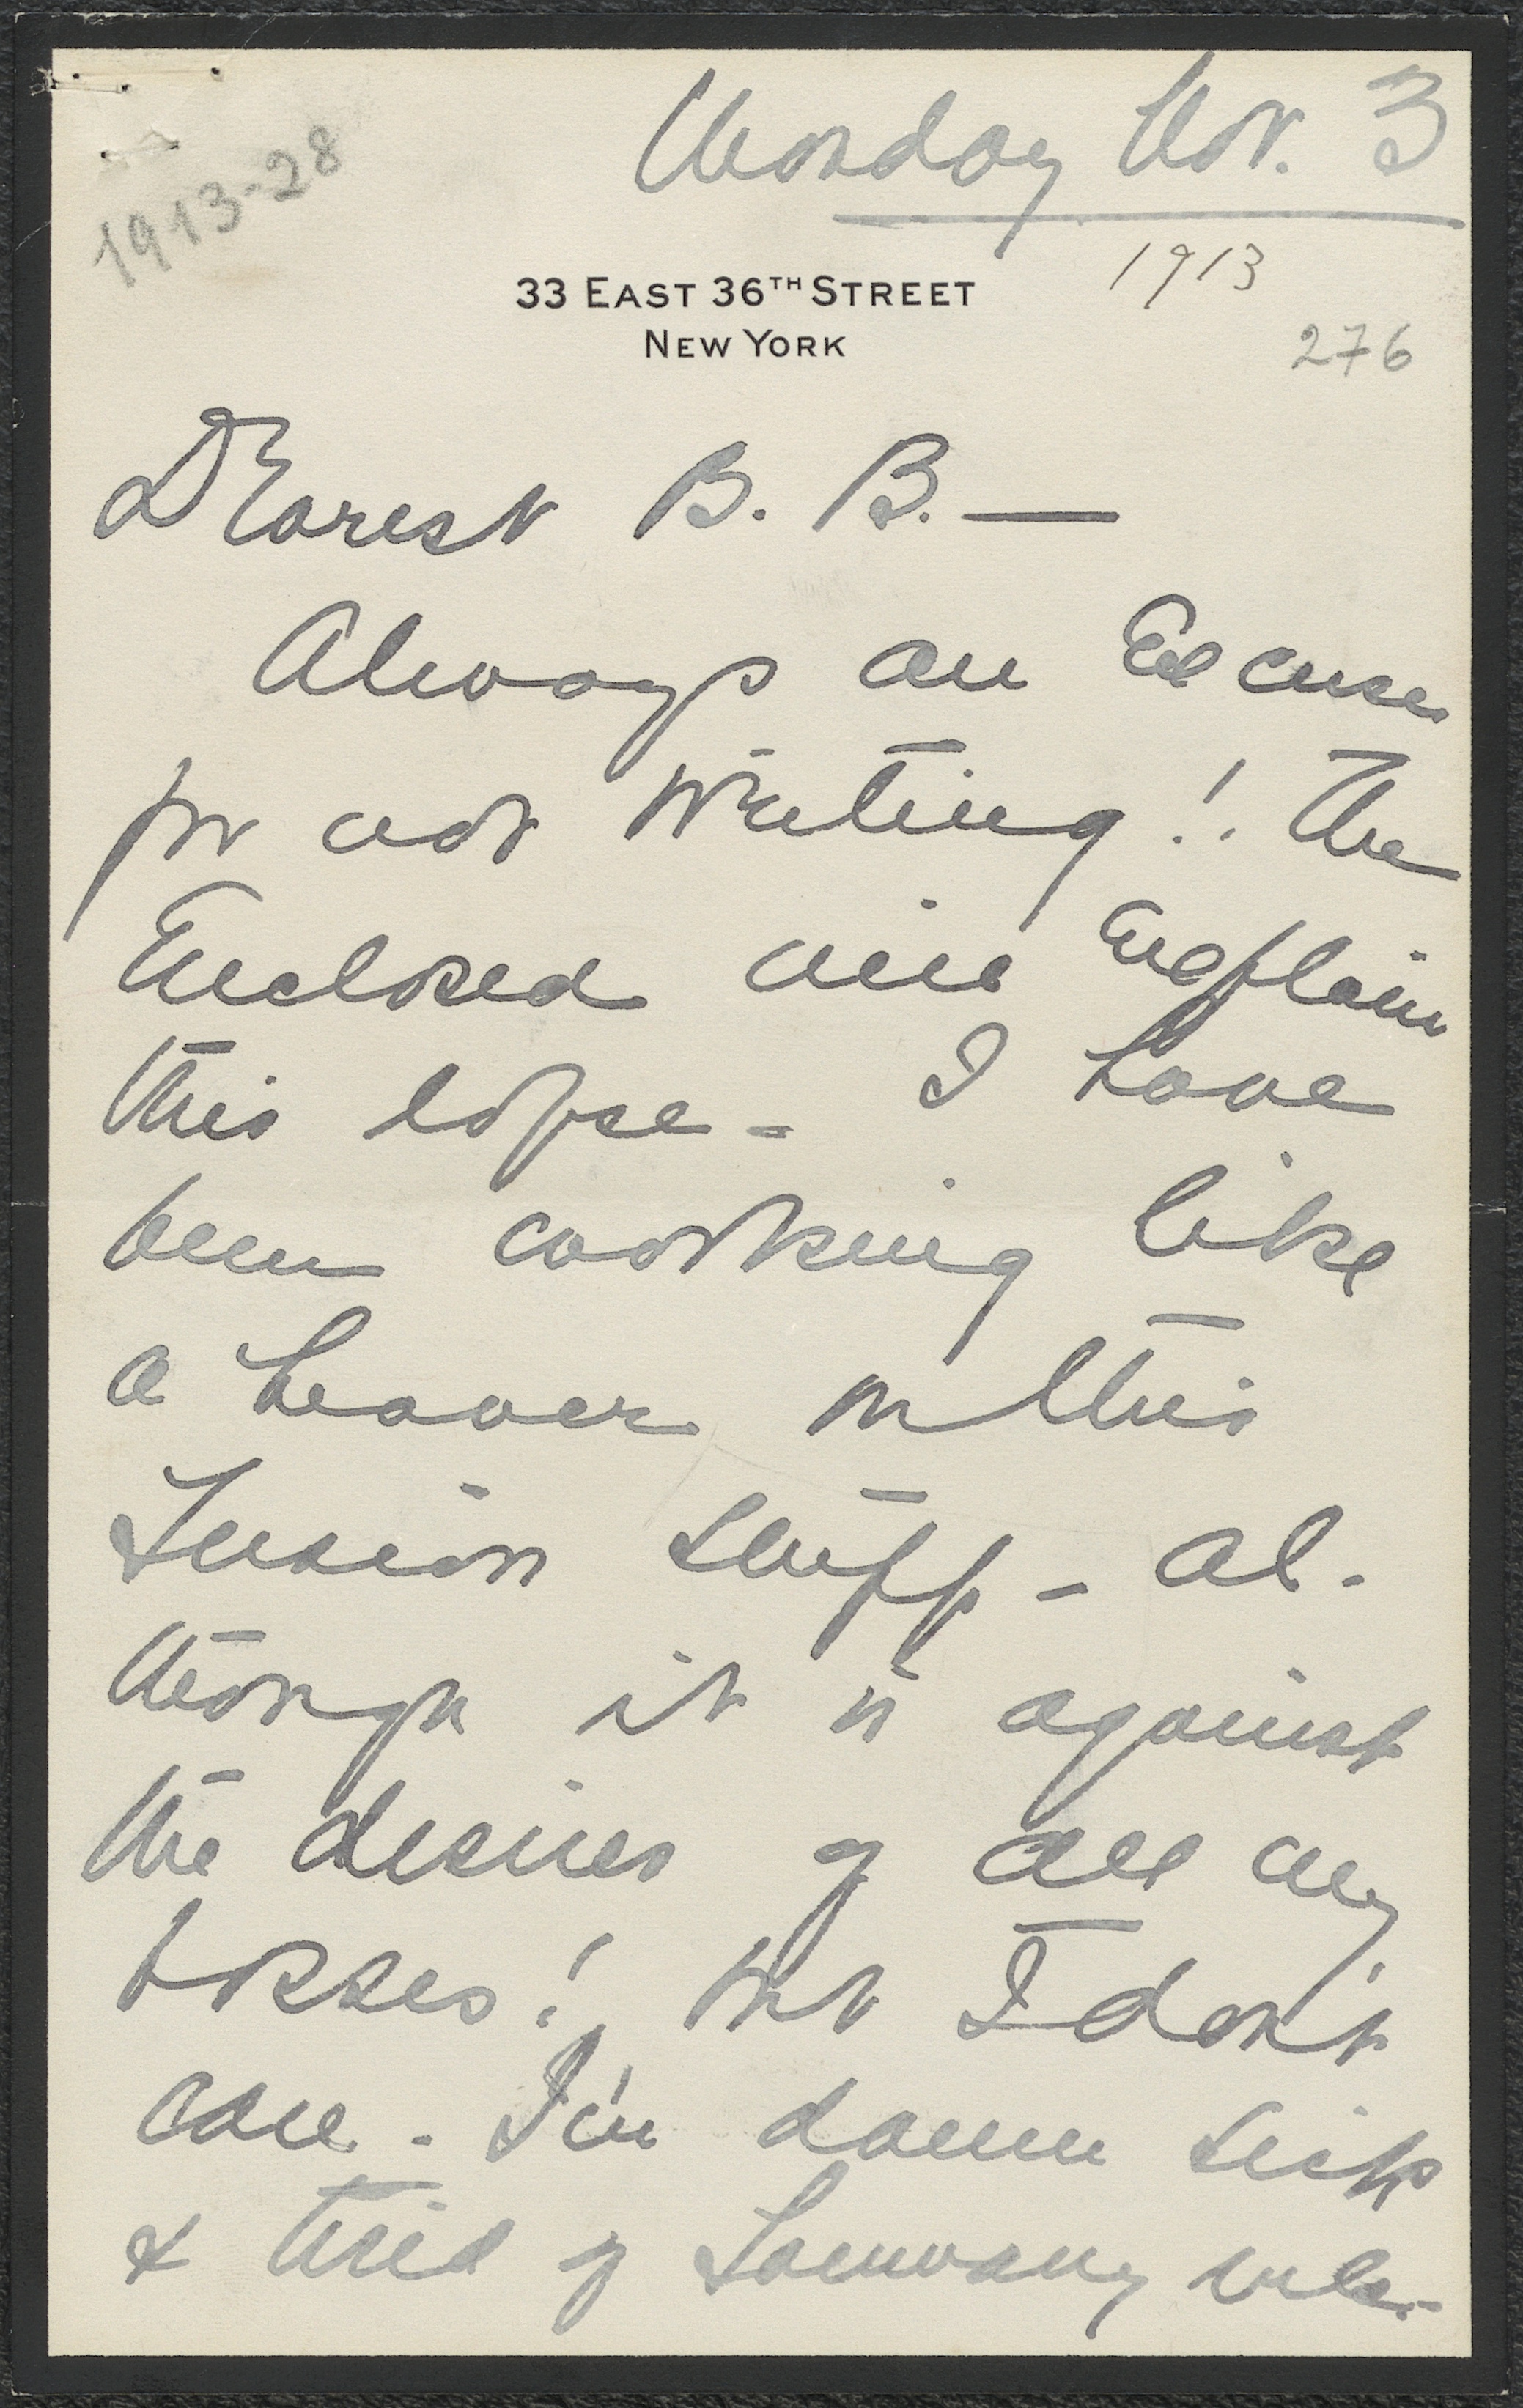Monday Nov. 3
Dearest B. B. –
Always an excuse for not writing! The enclosed will explain this lapse – I have been working like a beaver on this Fusion stuff – although it is against the desires of all my bosses! but I don’t care – I’m damn sick & tired of Tammany rule –